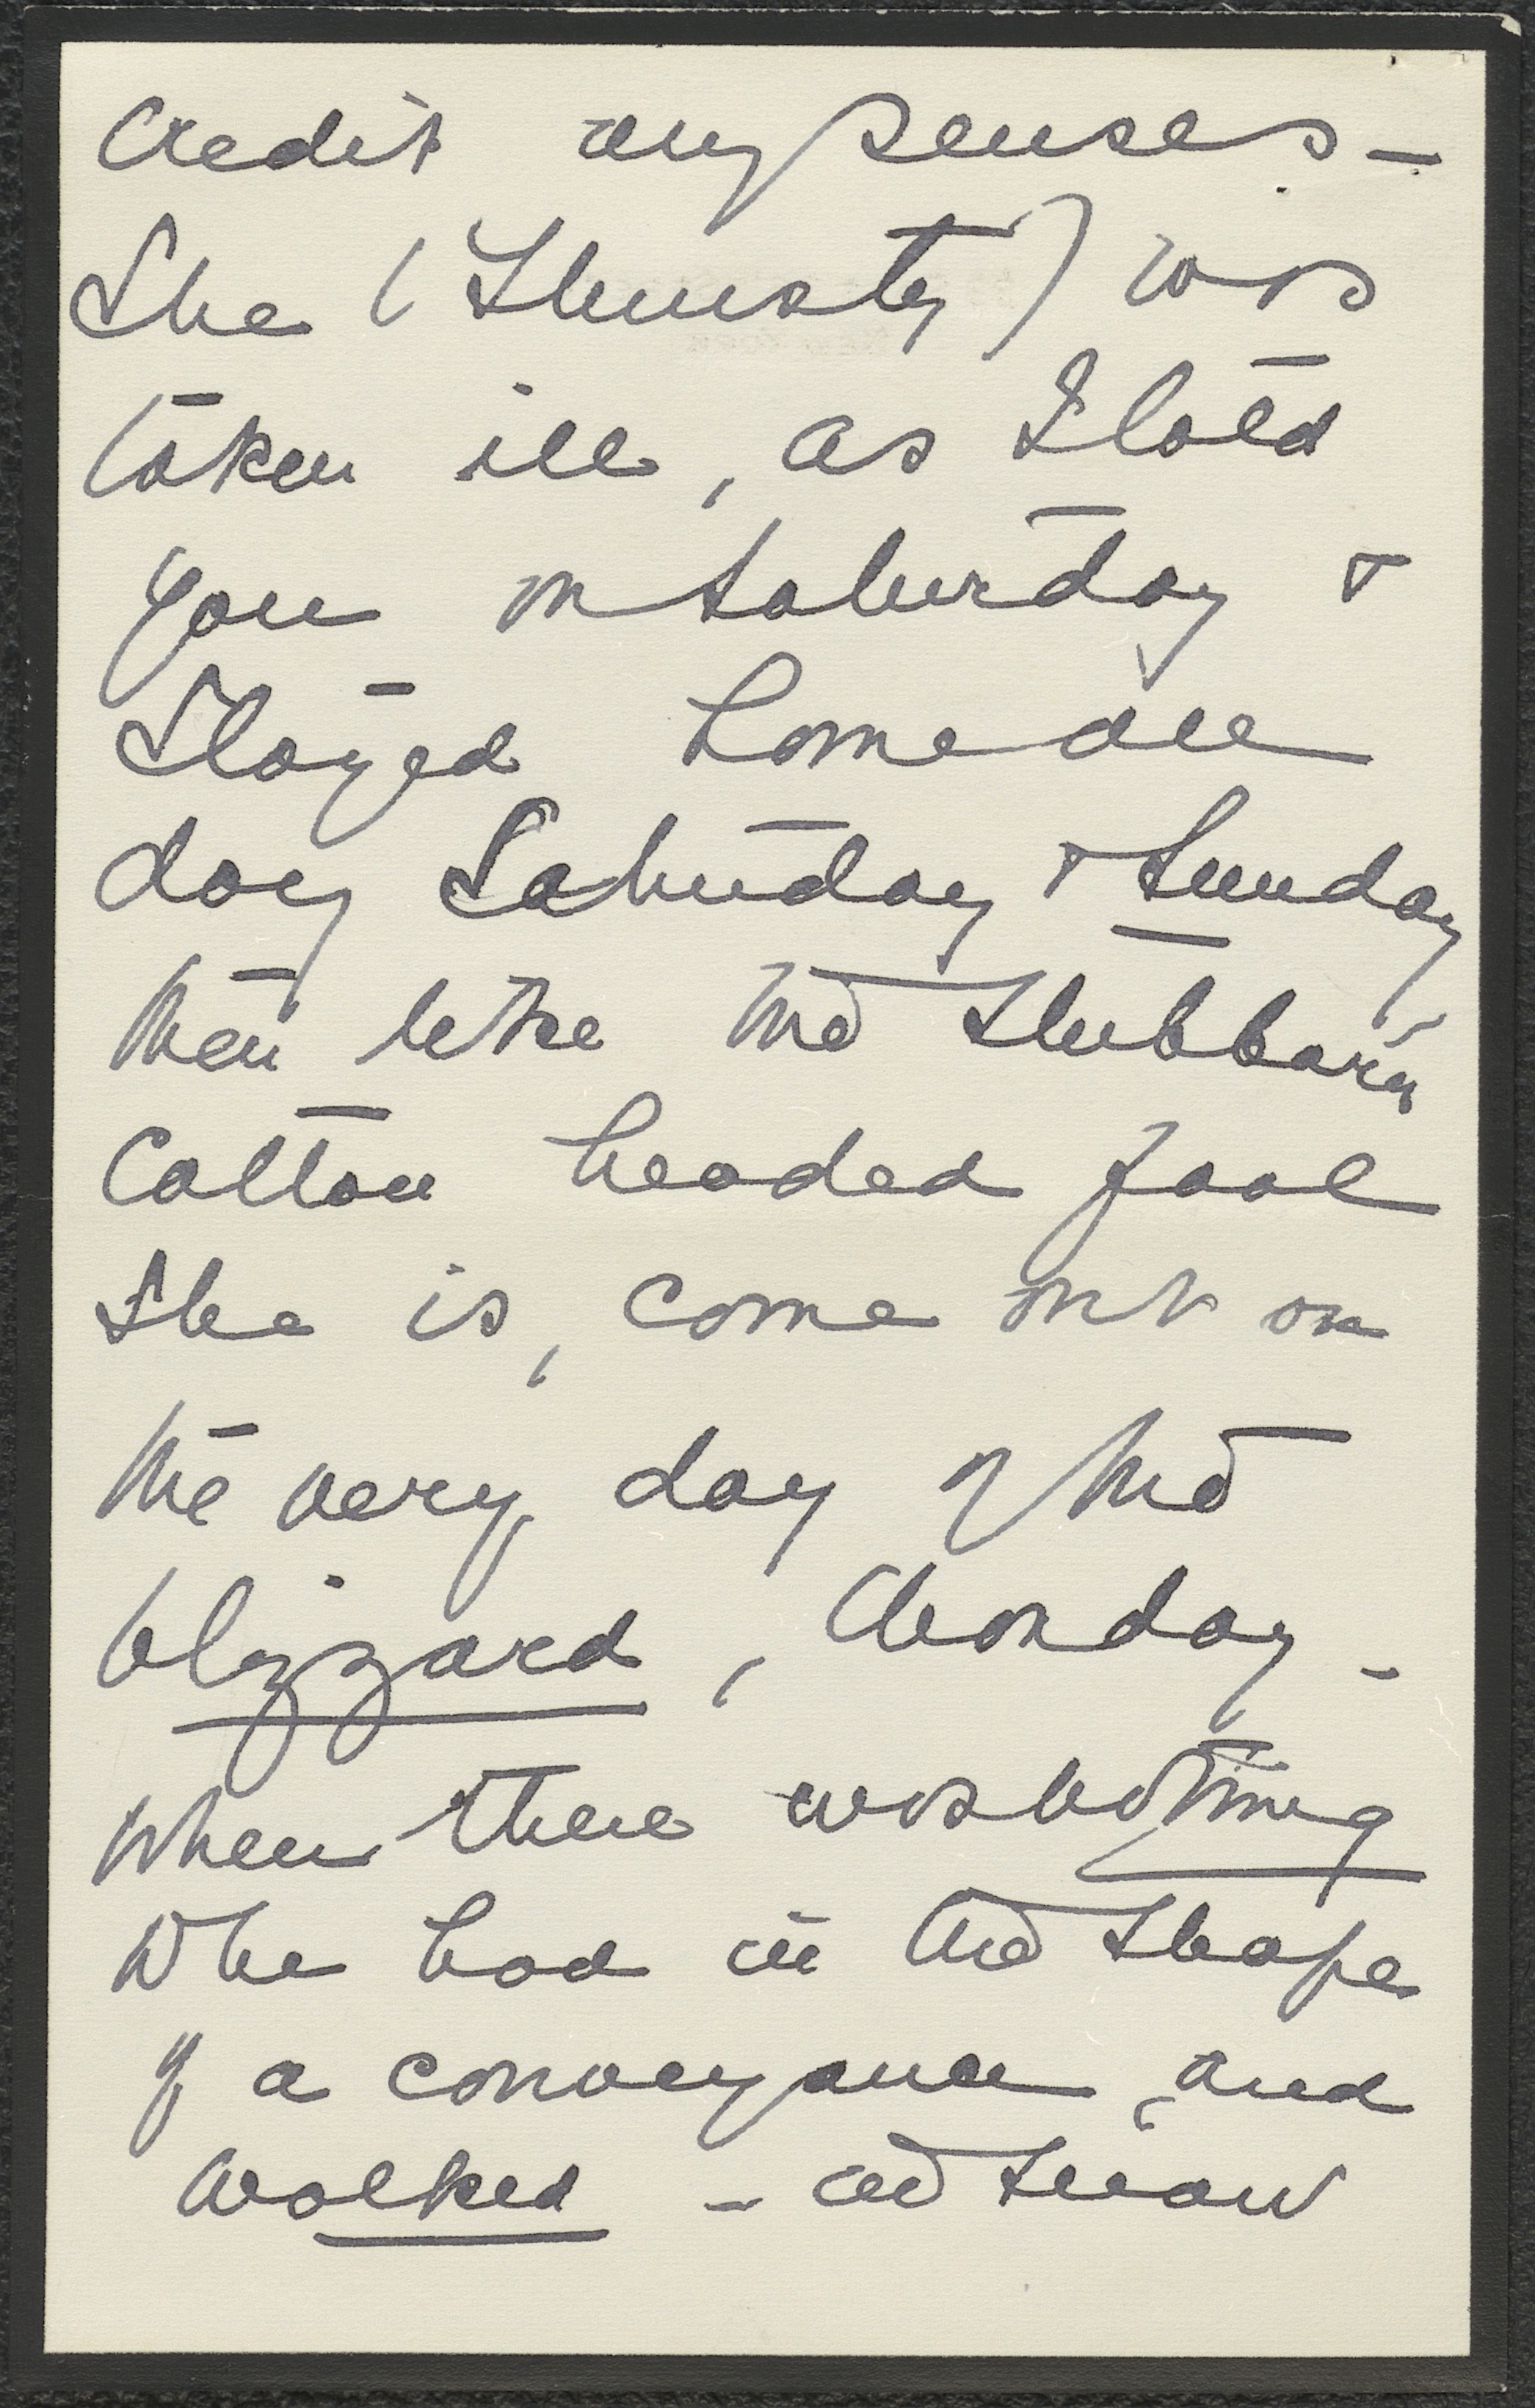credit my senses –
she (Thursty) was taken ill, as I told you on Saturday & stayed home all day Saturday & Sunday, then like the stubborn cotton headed food she is, came out on the very day of the blizzard, Monday – when there was nothing to be had in the shape of a conveyance and walked – in snow